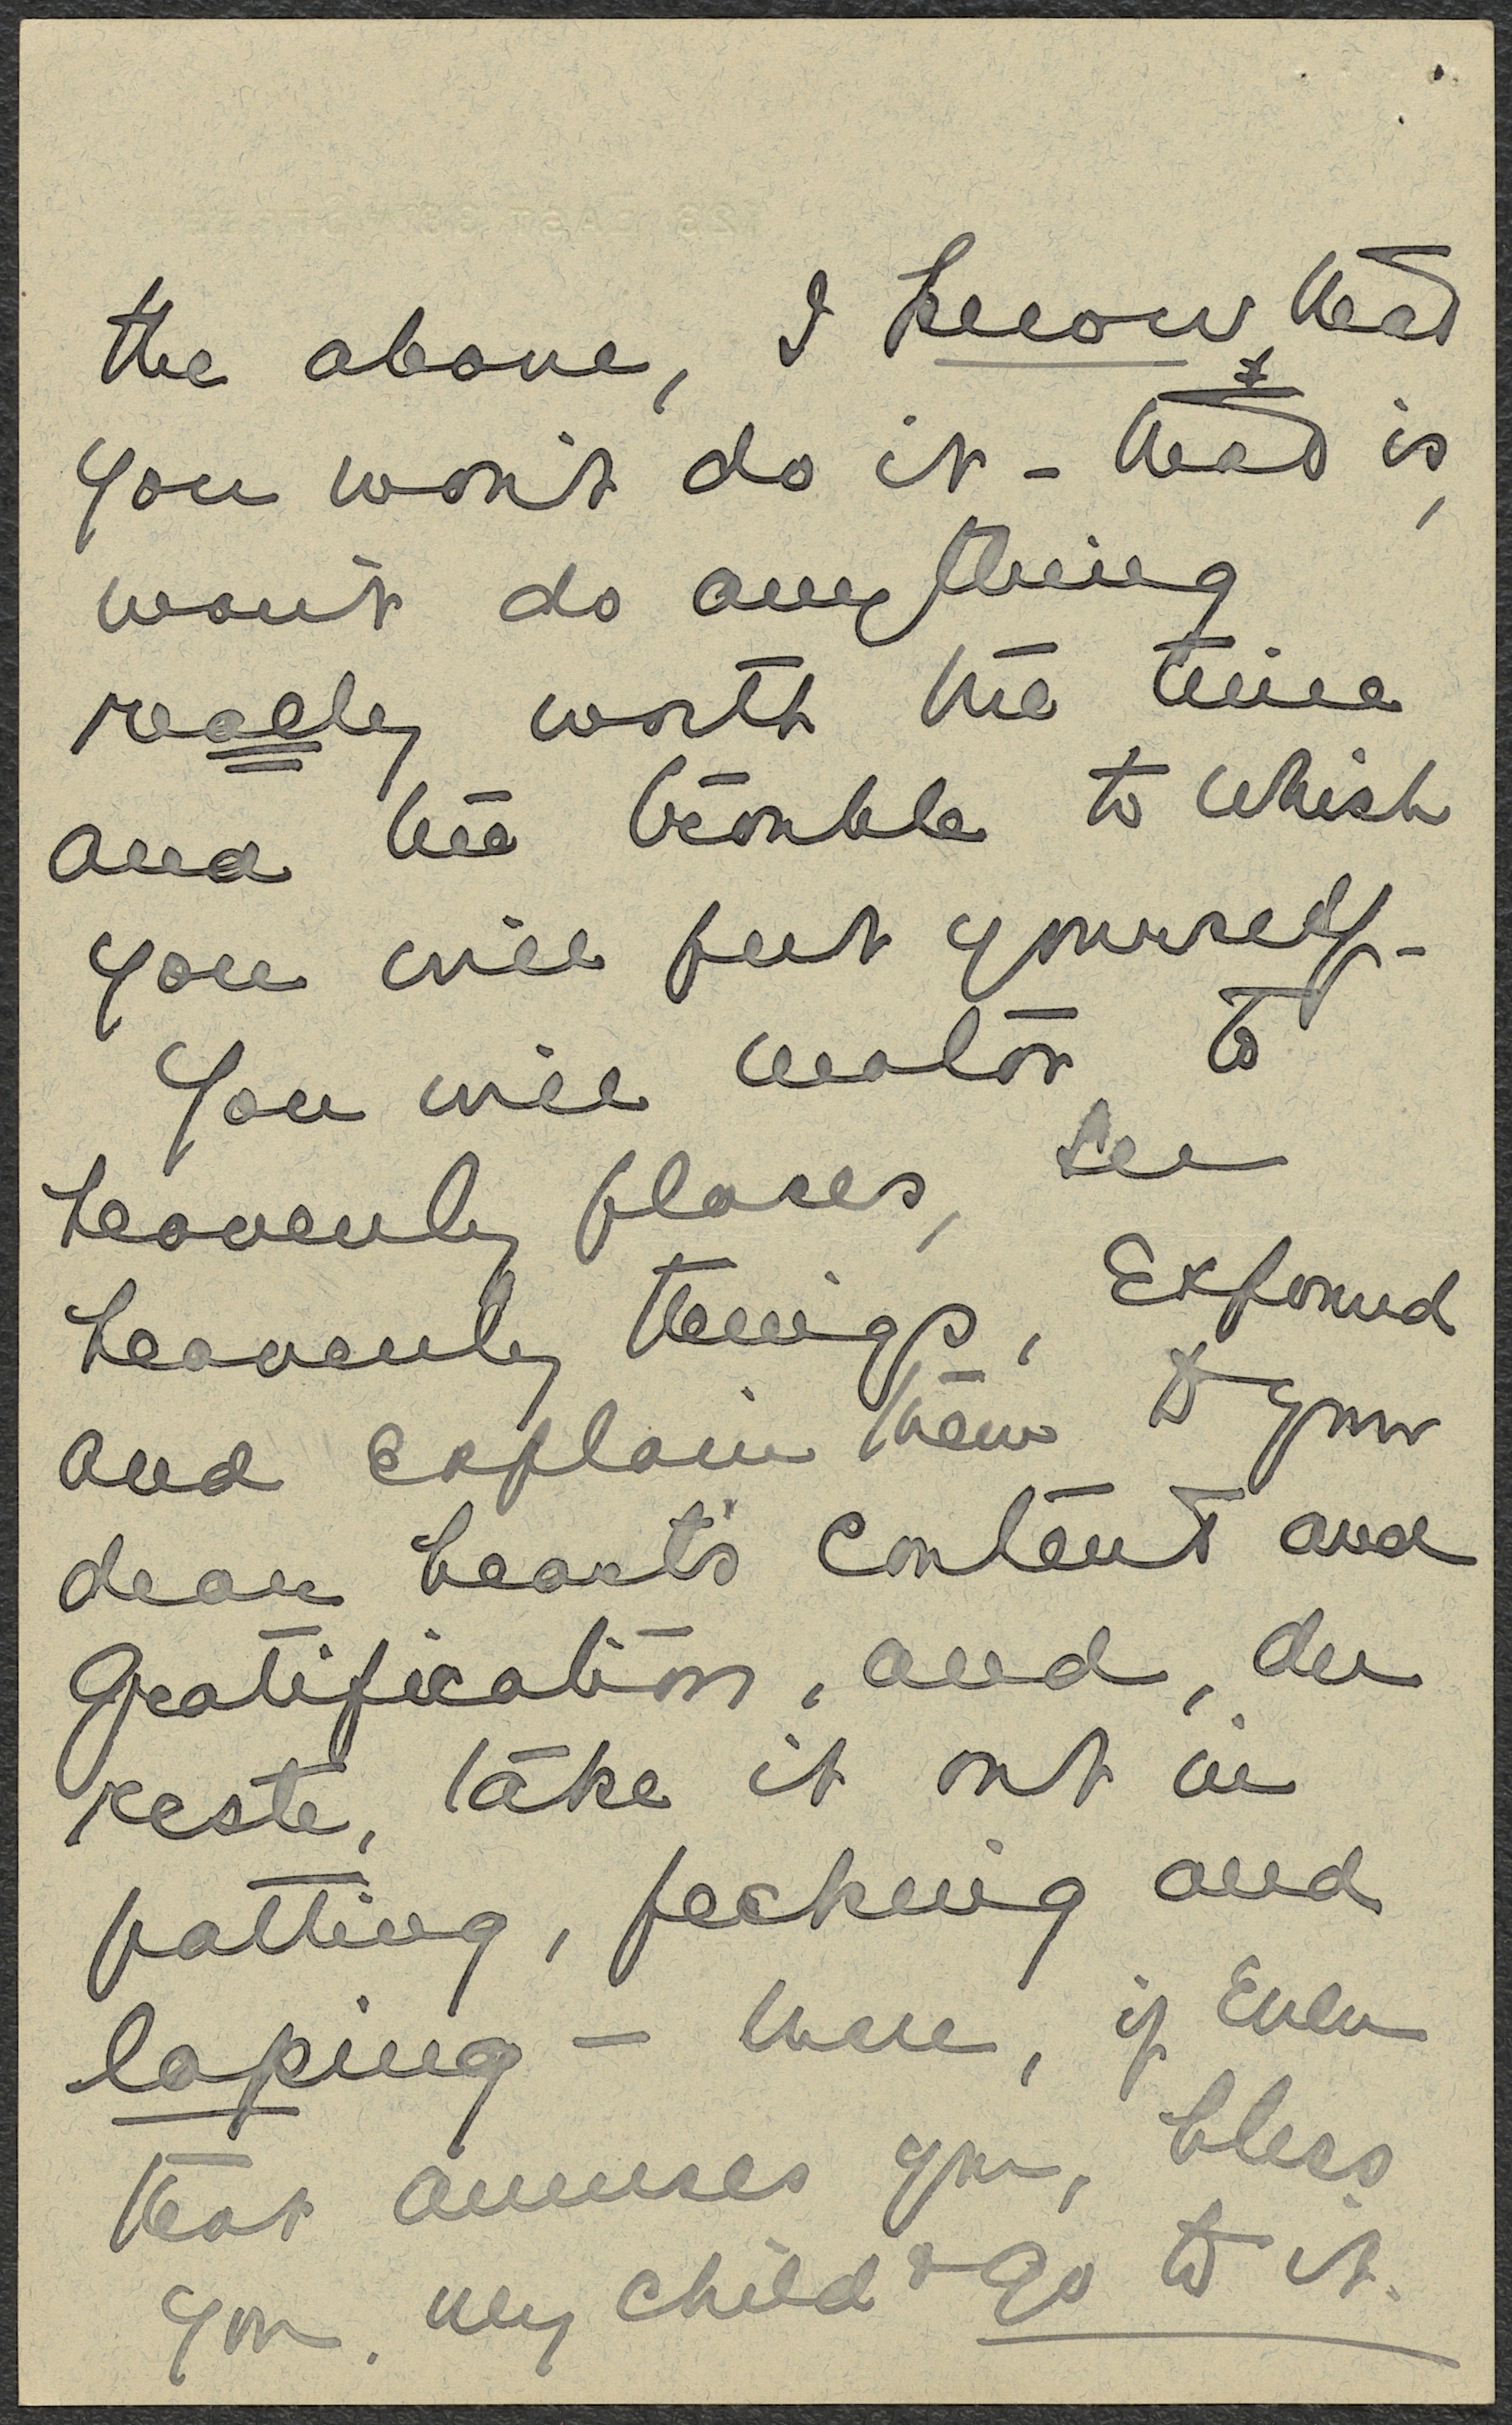the above, I know that you won’t do it – that is, won’t do anything [double underlined: really] worth the time and the trouble to which you will put yourself – You will motor to heavenly places, see heavenly things, expound and explain them to your dear heart’s content and gratification, and, du reste, take it out in patting, pecking, and loping – there, if even that amuses you, bless you, my child & go to it.